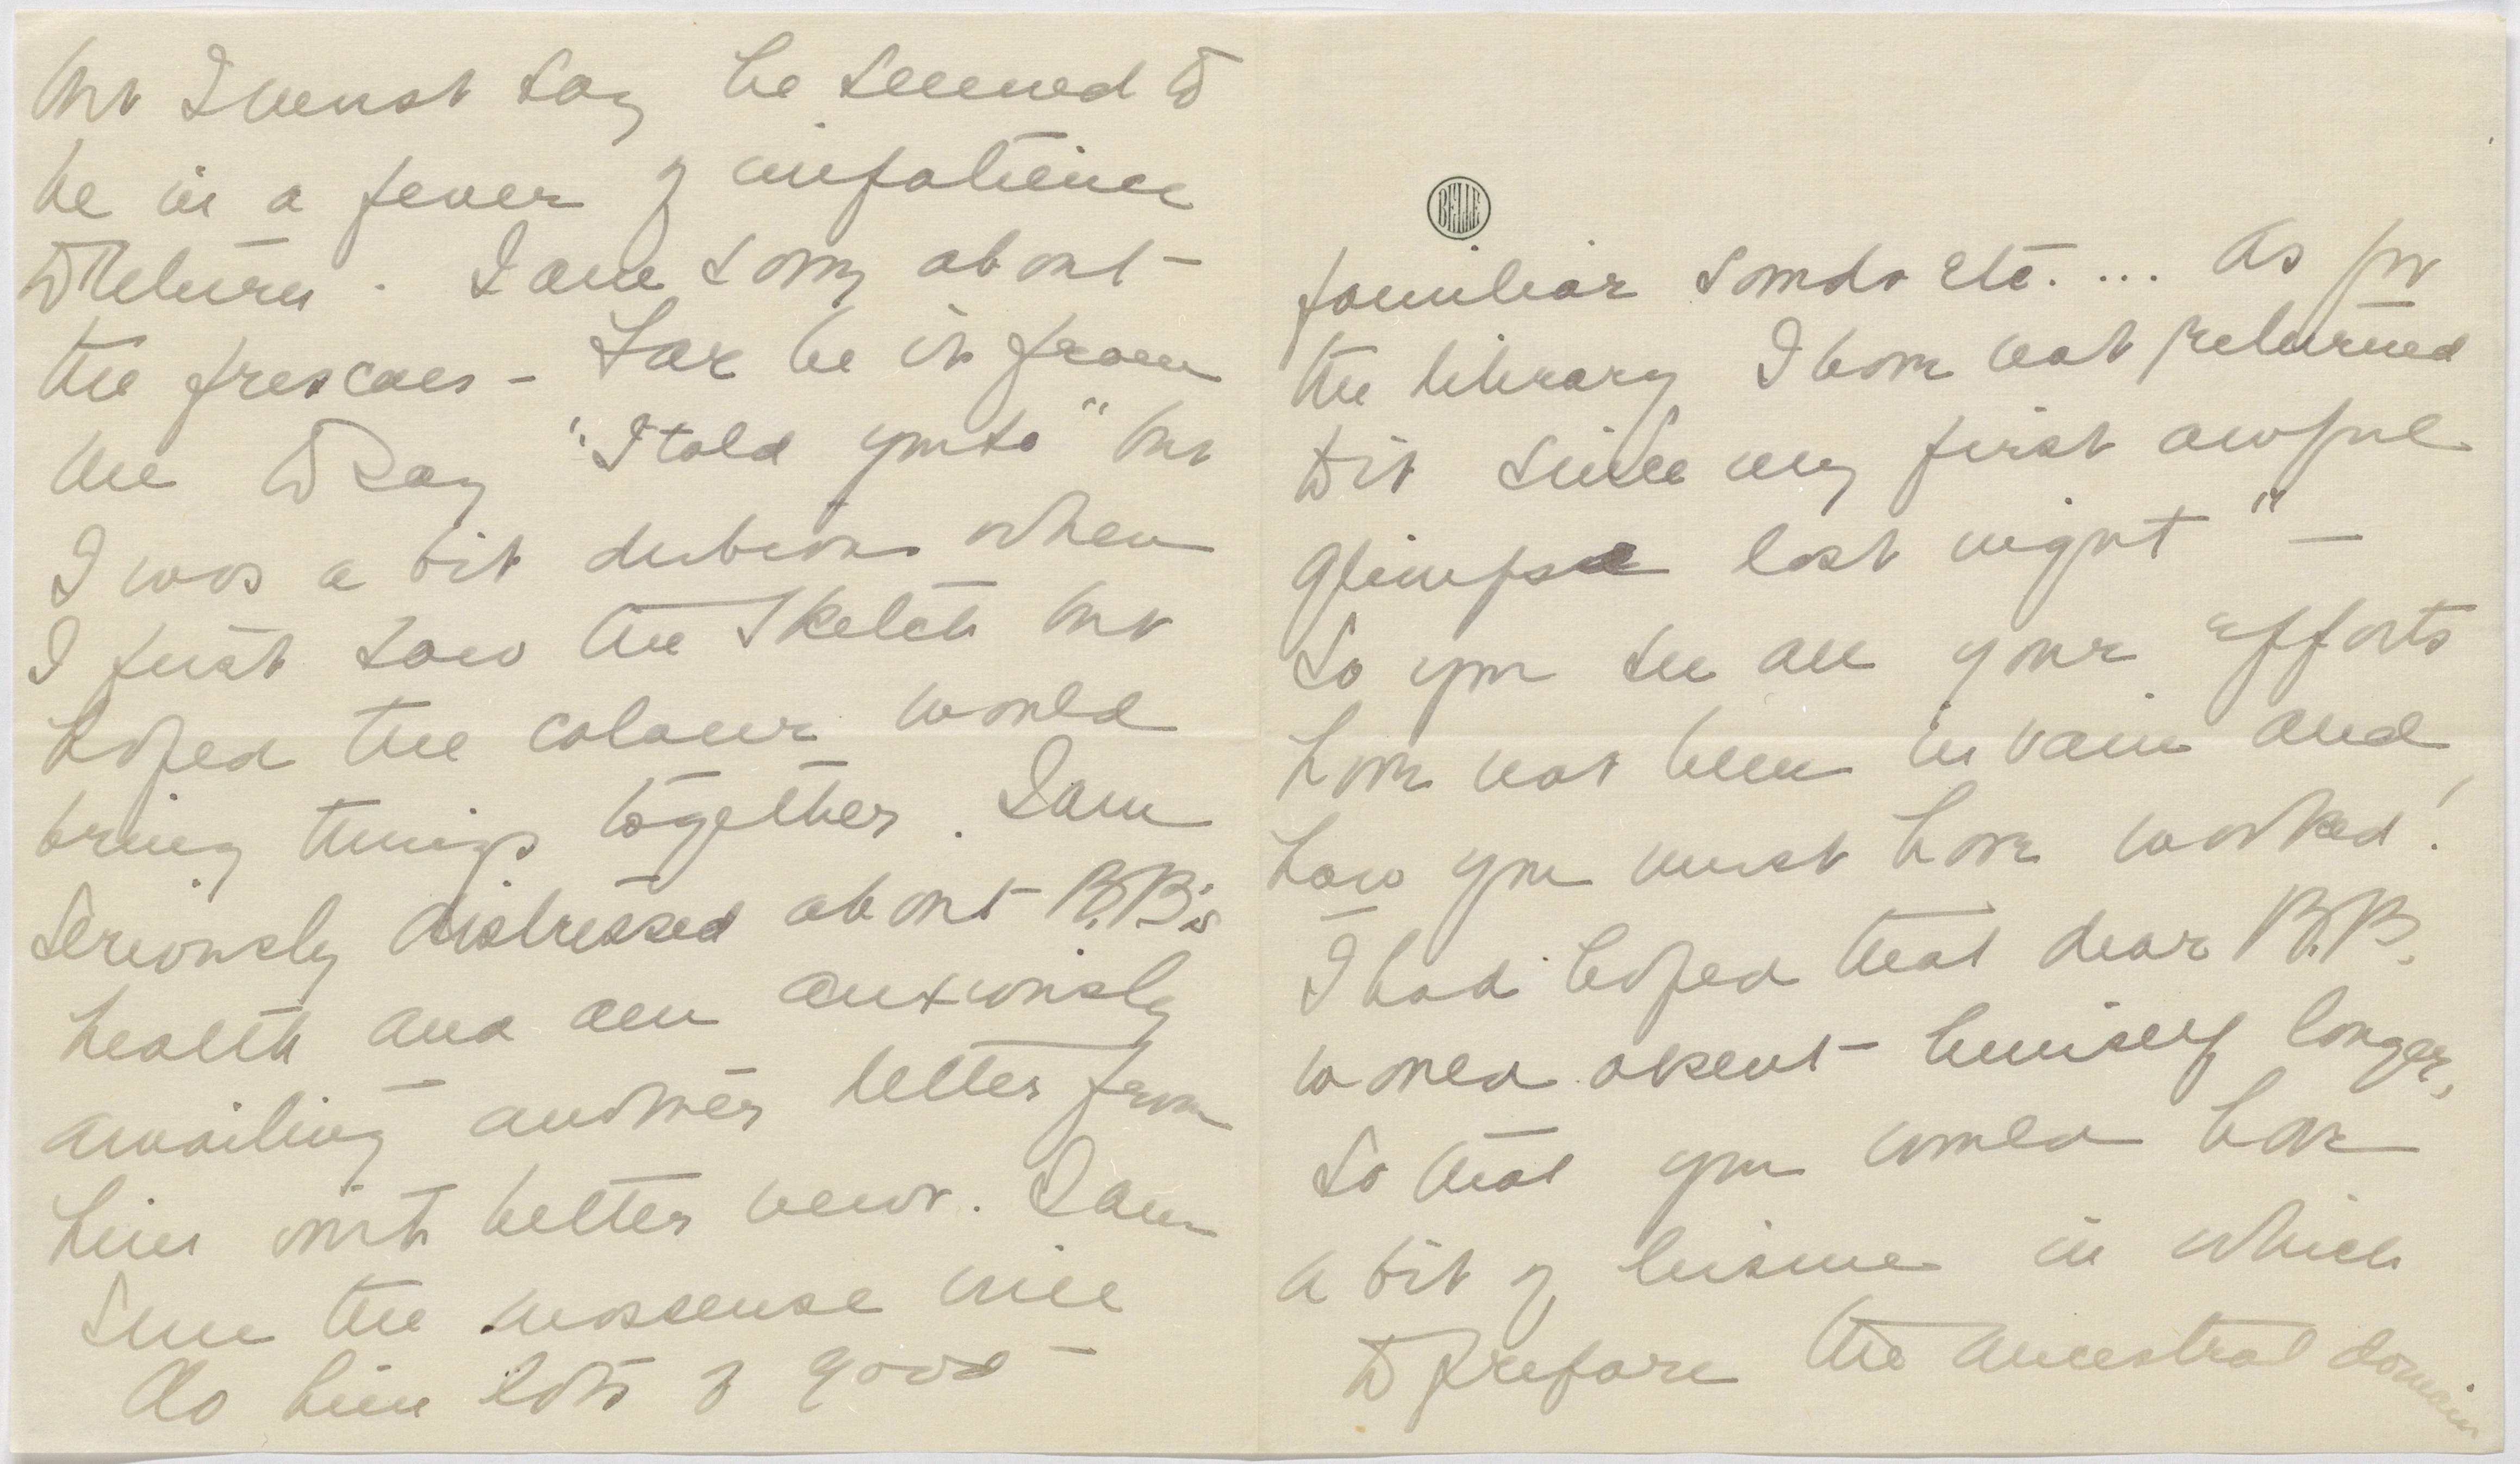familiar sounds etc. … as for the library I have not returned to it since my first awful glimpse last night” –
So you see all your efforts have not been in vain and how you must have worked!
I had hoped that dear B. B. would absent himself longer, so that you would have a bit of leisure in which to prepare the ancestral domain
but I must say he seemed to be in a fever of impatience to return. I am sorry about the frescoes – Far be it from me to say “I told you so” but I was a bit dubious when I first saw the sketch but hoped the colour would bring things together. I am seriously distressed about B. B.’s health and am anxiously awaiting another letter from him with better news. I am sure the masseuse will do him lots of good –